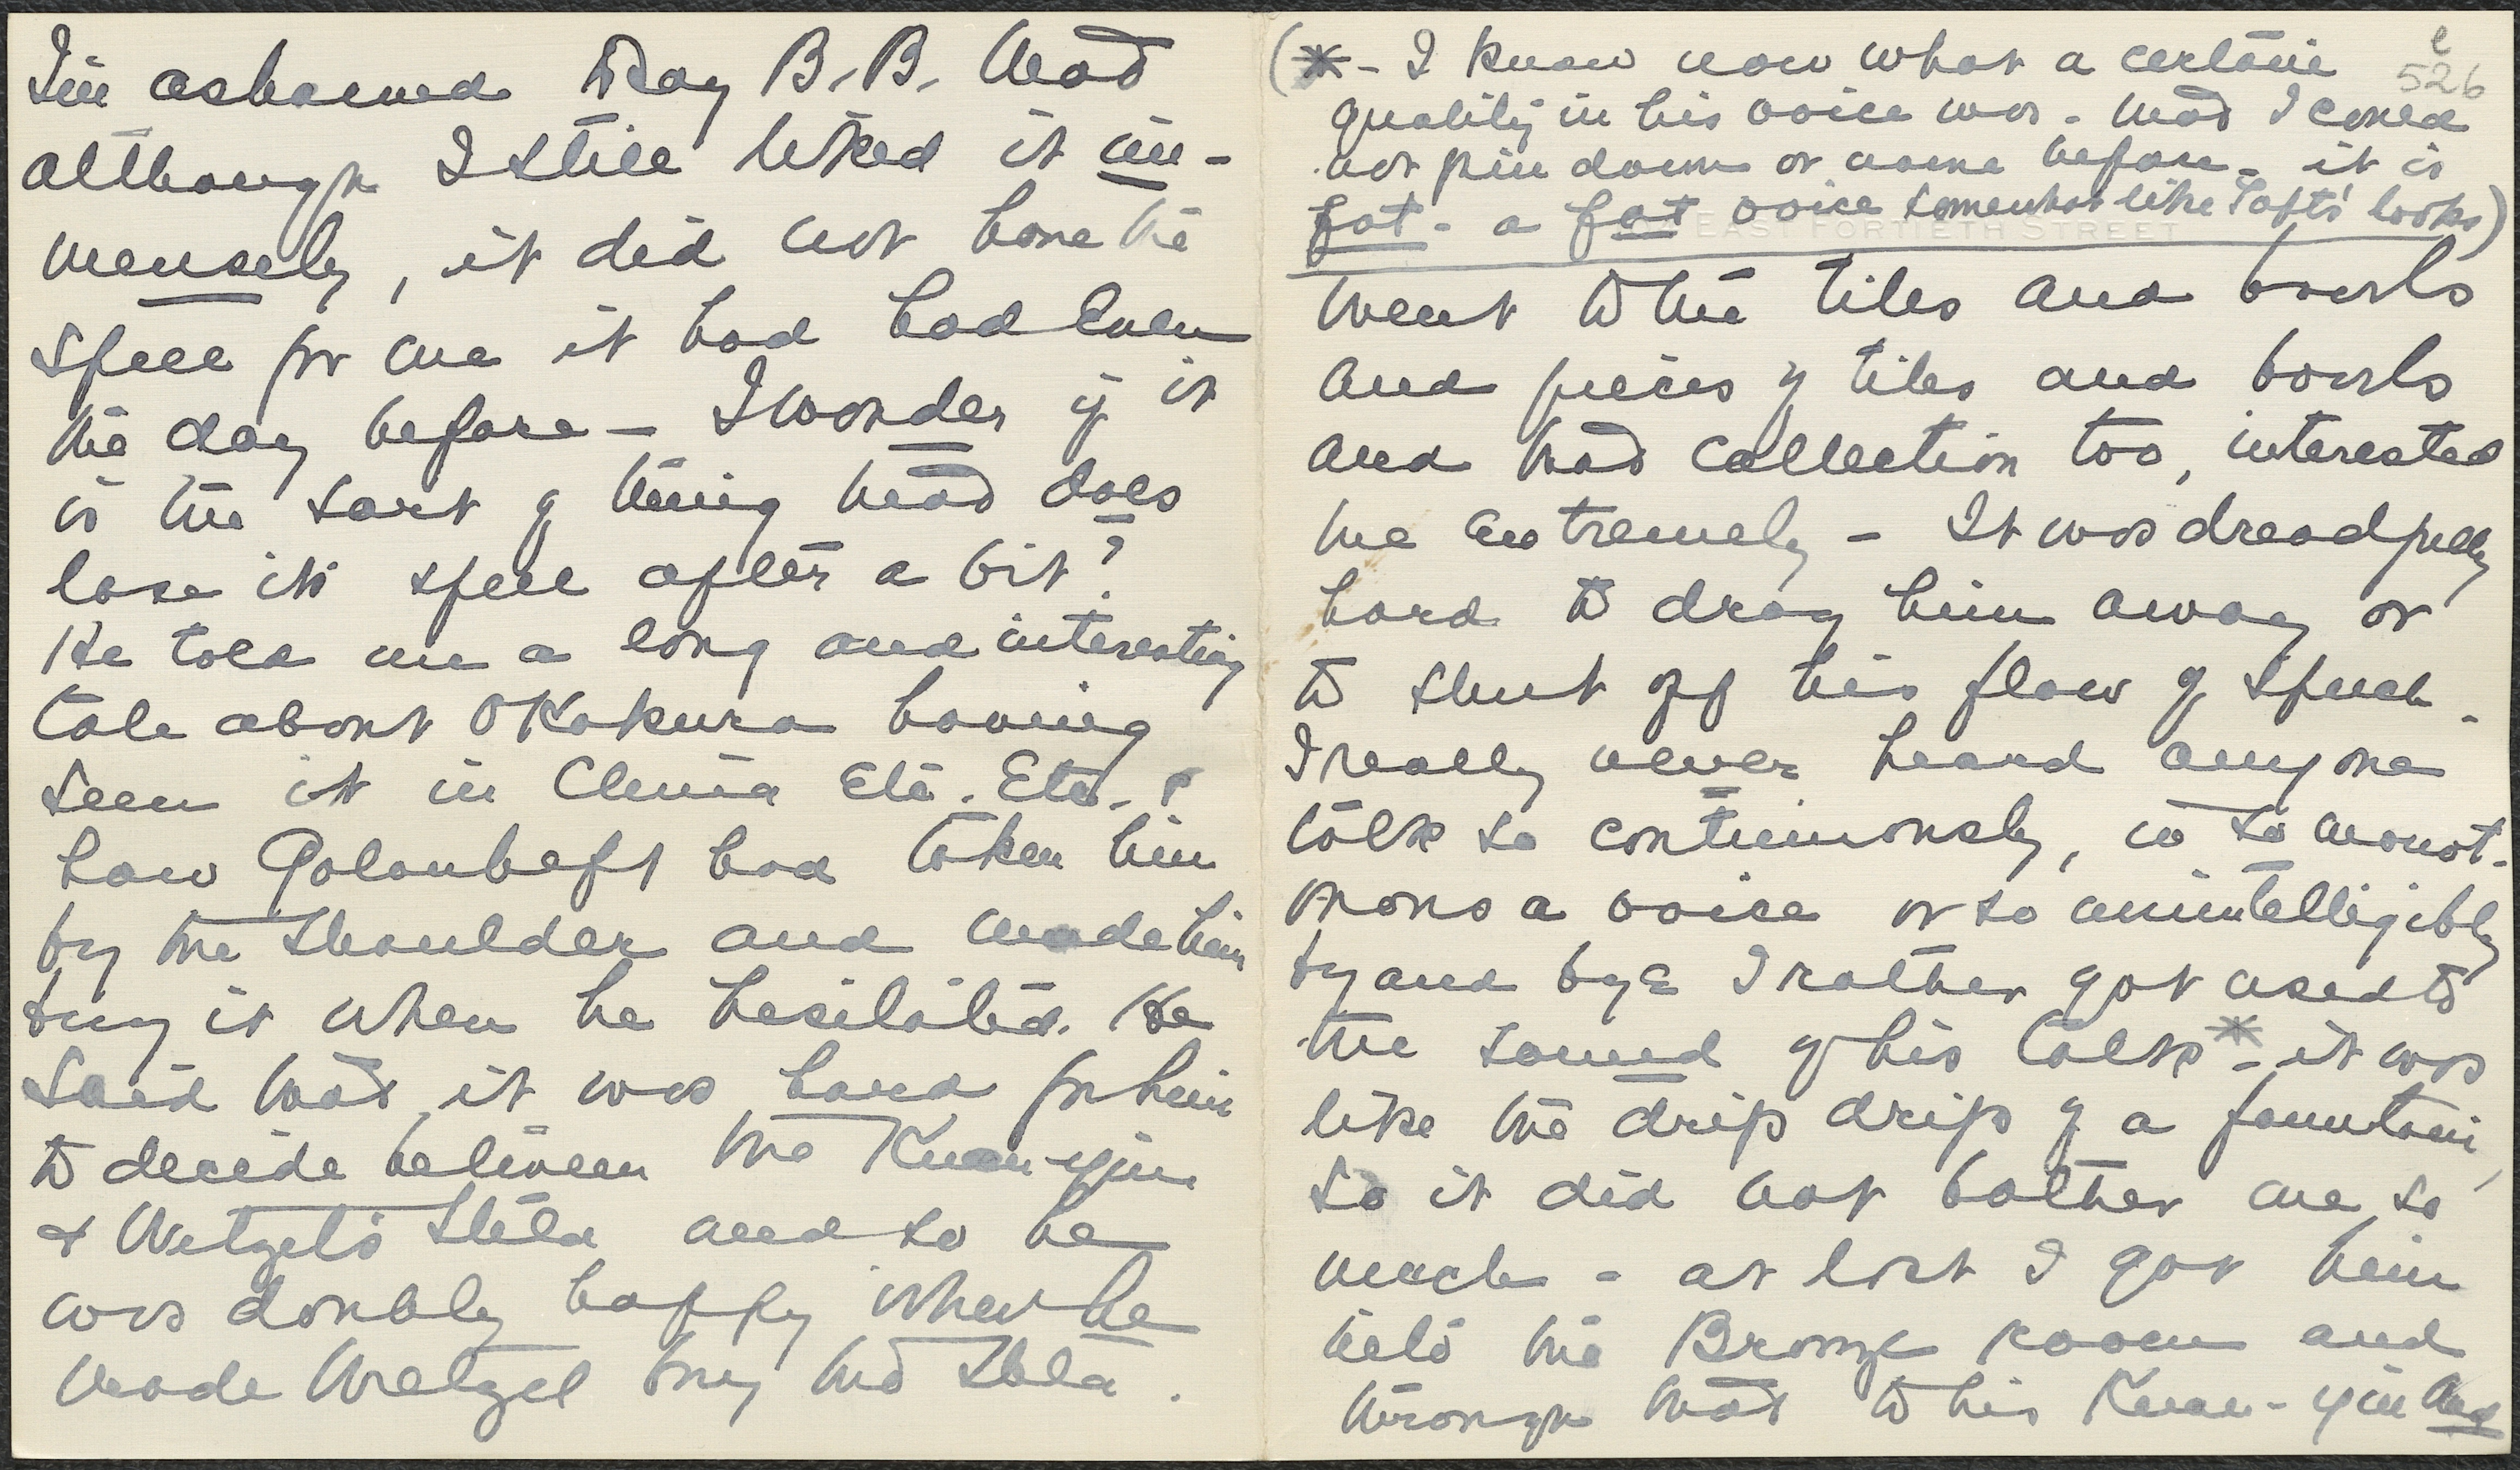(* – I know now what a certain quality in his voice was – that I could not pin down or name before – it is fat – a fat voice somewhat like Taft’s looks)
went to the tiles and bowls and pieces of tiles and bowls and that collection too, interested me extremely – It was dreadfully hard to drag him away or to shut off his flow of speech – I really never heard anyone talk to continuously, in so monotonous a voice or so unintelligibly by and bye I rather got used to and the sound of his talk * – it was like the drip drip of a fountain, so it did not bother me so much – at last I got him into the Bronze room and through that to his Kuan-yin and
I’m ashamed to say B.B. that although I still liked it immensely, it did not have the spell for me it had had even the day before – I wonder if it is the sort of thing that does lose it’s spell after a bit? He told me a long and interesting tale about Okakura having seen it in China etc. etc. & how Goloubeff had taken him by the shoulder and made him buy it when he hesitated. He said that it was hard for him to decide between the Kwan-yin & Wetzel’s Stela and so he was doubly happy when he made Wetzel buy the Stela.